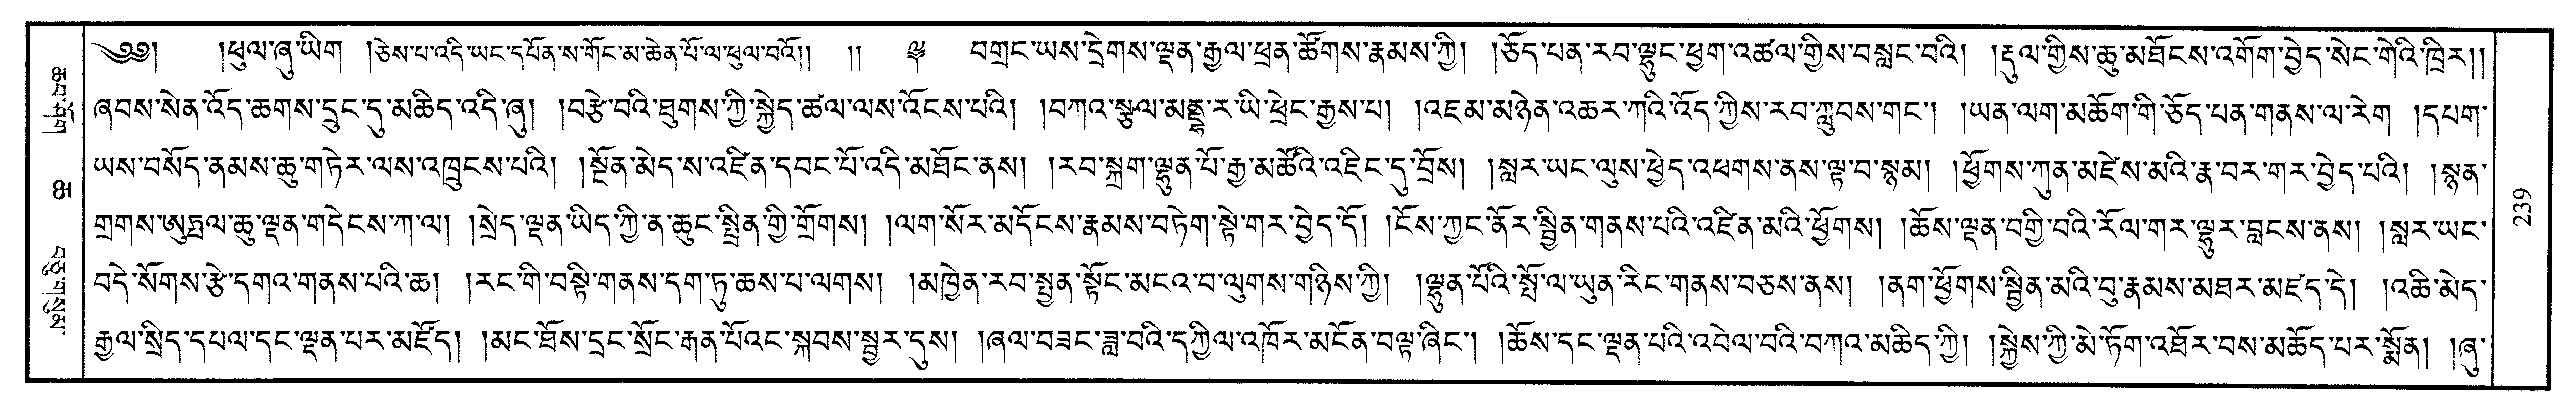༄༅། །ཕུལ་ཞུ་ཡིག །ཅེས་པ་འདི་ཡང་དཔོན་ས་གོང་མ་ཆེན་པོ་ལ་ཕུལ་བའོ།། །། ༈ བགྲང་ཡས་དྲེགས་ལྡན་རྒྱལ་ཕྲན་ཚོགས་རྣམས་ཀྱི། །ཅོད་པན་རབ་ལྷུང་ཕྱག་འཚལ་གྱིས་བསླང་བའི། །རྡུལ་གྱིས་ཆུ་མཐོངས་འགོག་བྱེད་སེང་གེའི་ཁྲིར།།
ཞབས་སེན་འོད་ཆགས་དྲུང་དུ་མཆིད་འདི་ཞུ། །བརྩེ་བའི་ཐུགས་ཀྱི་སྐྱེད་ཚལ་ལས་འོངས་པའི། །བཀའ་སྩལ་མནྡྷ་ར་ཡི་ཕྲེང་རྒྱས་པ། །འཇམ་མཉེན་འཆར་ཀའི་འོད་ཀྱིས་རབ་ཀླུབས་གང་། །ཡན་ལག་མཆོག་གི་ཅོད་པན་གནས་ལ་རེག །དཔག་
ཡས་བསོད་ནམས་ཆུ་གཏེར་ལས་འཁྲུངས་པའི། །སྔོན་མེད་ས་འཛིན་དབང་པོ་འདི་མཐོང་ནས། །རབ་སྐྲག་ལྷུན་པོ་རྒྱ་མཚོའི་འཇིང་དུ་བྲོས། །སླར་ཡང་ལུས་ཕྱེད་འཕགས་ནས་ལྟ་བ་སྙམ། །ཕྱོགས་ཀུན་མཛེས་མའི་རྣ་བར་གར་བྱེད་པའི། །སྙན་
གྲགས་ཨུཏྤལ་ཆུ་ལྡན་གདེངས་ཀ་ལ། །སྲེད་ལྡན་ཡིད་ཀྱི་ན་ཆུང་སྤྲིན་གྱི་གྲོགས། །ལག་སོར་མདོངས་རྣམས་བཏེག་སྟེ་གར་བྱེད་དོ། །ངོས་ཀྱང་ནོར་སྦྱིན་གནས་པའི་འཛིན་མའི་ཕྱོགས། །ཆོས་ལྡན་བགྱི་བའི་རོལ་གར་ལྷུར་བླངས་ནས། །སླར་ཡང་
བདེ་སོགས་རྩེ་དགའ་གནས་པའི་ཆ། །རང་གི་བསྟི་གནས་དག་ཏུ་ཆས་པ་ལགས། །མཁྱེན་རབ་སྤྱན་སྟོང་མངའ་བ་ལུགས་གཉིས་ཀྱི། །ལྷུན་པོའི་སྤོ་ལ་ཡུན་རིང་གནས་བཅས་ནས། །ནག་ཕྱོགས་སྦྱིན་མའི་བུ་རྣམས་མཐར་མཛད་དེ། །འཆི་མེད་
རྒྱལ་སྲིད་དཔལ་དང་ལྡན་པར་མཛོད། །མང་ཐོས་དྲང་སྲོང་རྒན་པོའང་སྐབས་སྦྱར་དུས། །ཞལ་བཟང་ཟླ་བའི་དཀྱིལ་འཁོར་མངོན་བལྟ་ཞིང་། །ཆོས་དང་ལྡན་པའི་འབེལ་བའི་བཀའ་མཆིད་ཀྱི། །སྐྱེས་ཀྱི་མེ་ཏོག་འཐོར་བས་མཆོད་པར་སྨོན། །ཞུ་